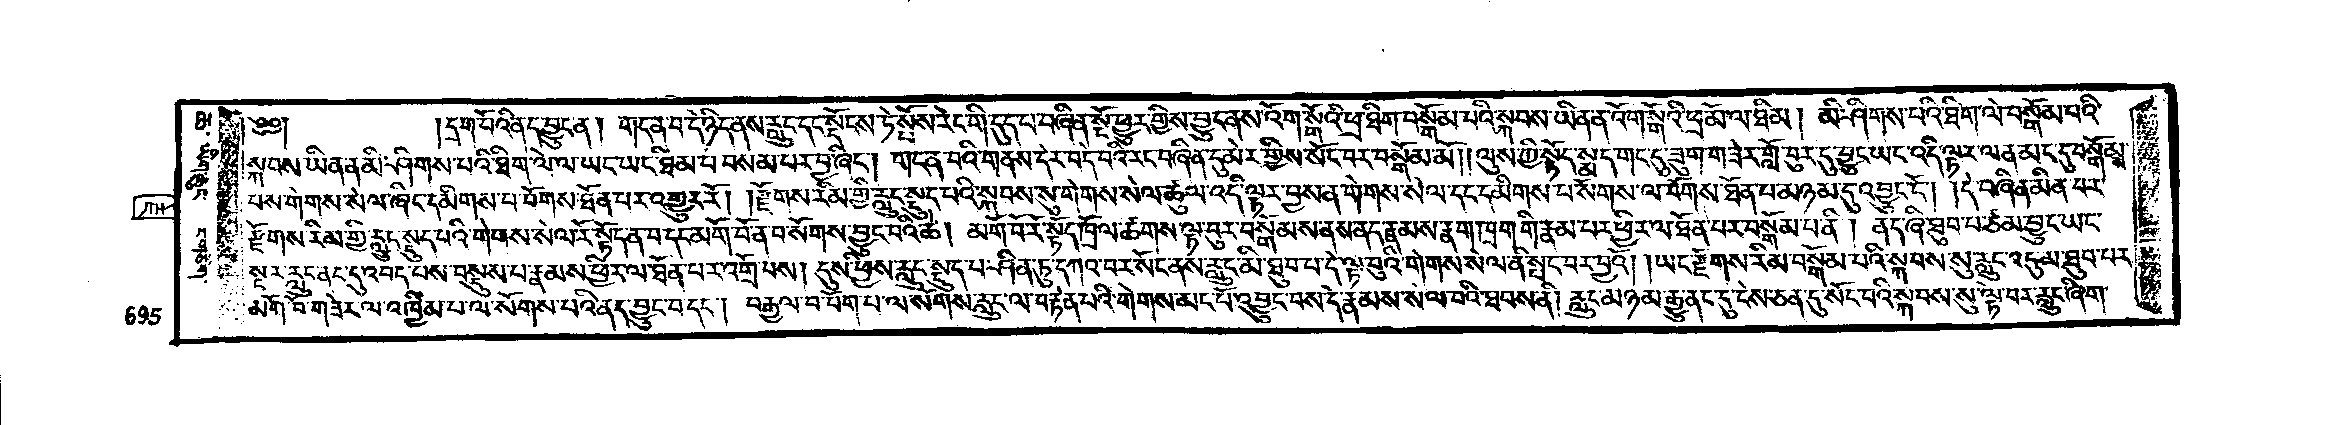༄༅། །དྲག་པོའི་ནད་བྱུང་ན། གང་ན་བ་དེ་ཉིད་ནས་རླུང་དང་སྡོངས་ཏེ་སྤོས་རིང་གི་དུད་པ་བཞིན་སྔོ་ཕྱུར་གྱིས་བྱུང་ནས་འོག་སྒོའི་ཕྲ་ཐིག་བསྒོམ་པའི་སྐབས་ཡིན་ན་འོག་སྒོའི་ཕྲ་མོ་ལ་ཐིམ། མི་ཤིགས་པའི་ཐིག་ལེ་བསྒོམ་པའི་
སྐབས་ཡིན་ན་མི་ཤིགས་པའི་ཐིག་ལེ་ལ་ཡང་ཡང་ཐིམ་པ་བསམ་པར་བྱ་ཞིང་། གང་ན་བའི་གནས་དེར་བདེ་བའི་རང་བཞིན་དུ་མེར་གྱིས་སོང་བར་བསྒོམ་མོ། །ལུས་ཀྱི་སྟོད་སྨད་གང་དུ་ཟུག་གཟེར་གློ་བུར་དུ་བྱུང་ཡང་འདི་ལྟར་ལན་མང་དུ་བསྒོམས་
པས་གེགས་སེལ་ཞིང་དམིགས་པ་བོགས་ཐོན་པར་འགྱུར་རོ། །རྫོགས་རིམ་གྱི་རླུང་སྡུད་པའི་སྐབས་སུ་གེགས་སེལ་ཚུལ་འདི་ལྟར་བྱས་ན་གེགས་སེལ་དང་དམིགས་པ་སོགས་ལ་བོགས་ཐོན་པ་མཉམ་དུ་འབྱུང་ངོ། །དེ་བཞིན་མིན་པར་
རྫོགས་རིམ་གྱི་རླུང་སྡུད་པའི་གེགས་སེལ་རོ་སྟོད་ན་བ་དང་མགོ་བོ་ན་བ་སོགས་བྱུང་བའི་ཚེ། མགོ་བོ་རོ་སྟོད་ཁྲོལ་ཚེགས་ལྟ་བུར་བསྒོམས་ནས་ནད་རྣམས་རྣག་ཁྲག་གི་རྣམ་པར་ཕྱིར་ལ་ཐོན་པར་བསྒོམ་པ་ནི། ནད་ཞི་ཐུབ་པ་ཙམ་བྱུང་ཡང་
སྔར་རླུང་ནང་དུ་འབད་པས་བསྡུས་པ་རྣམས་ཕྱིར་ལ་ཐོན་པར་འགྲོ་པས། དུས་ཕྱིས་རླུང་སྡུད་པ་ཤིན་ཏུ་དཀའ་བར་སོང་ནས་རླུང་མི་ཐུབ་པ་དེ་ལྟ་བུའི་གེགས་སེལ་ནི་སྤང་བར་བྱའོ། །ཡང་རྫོགས་རིམ་བསྒོམ་པའི་སྐབས་སུ་རླུང་འདུ་མ་ཐུབ་པར་
མགོ་བོ་གཟེར་ལ་འཁྱོམ་པ་ལ་སོགས་པའི་ནད་བྱུང་བ་དང་། བརྒྱལ་བ་བོག་པ་ལ་སོགས་རླུང་ལ་བརྟེན་པའི་གེགས་མང་པོ་འབྱུང་བས་དེ་རྣམས་སེལ་བའི་ཐབས་ནི། རླུང་མཉམ་རྒྱུ་ནང་དུ་ངེས་ཅན་དུ་སོང་བའི་སྐབས་སུ་ལྟེ་བར་རླུང་ཞིག་